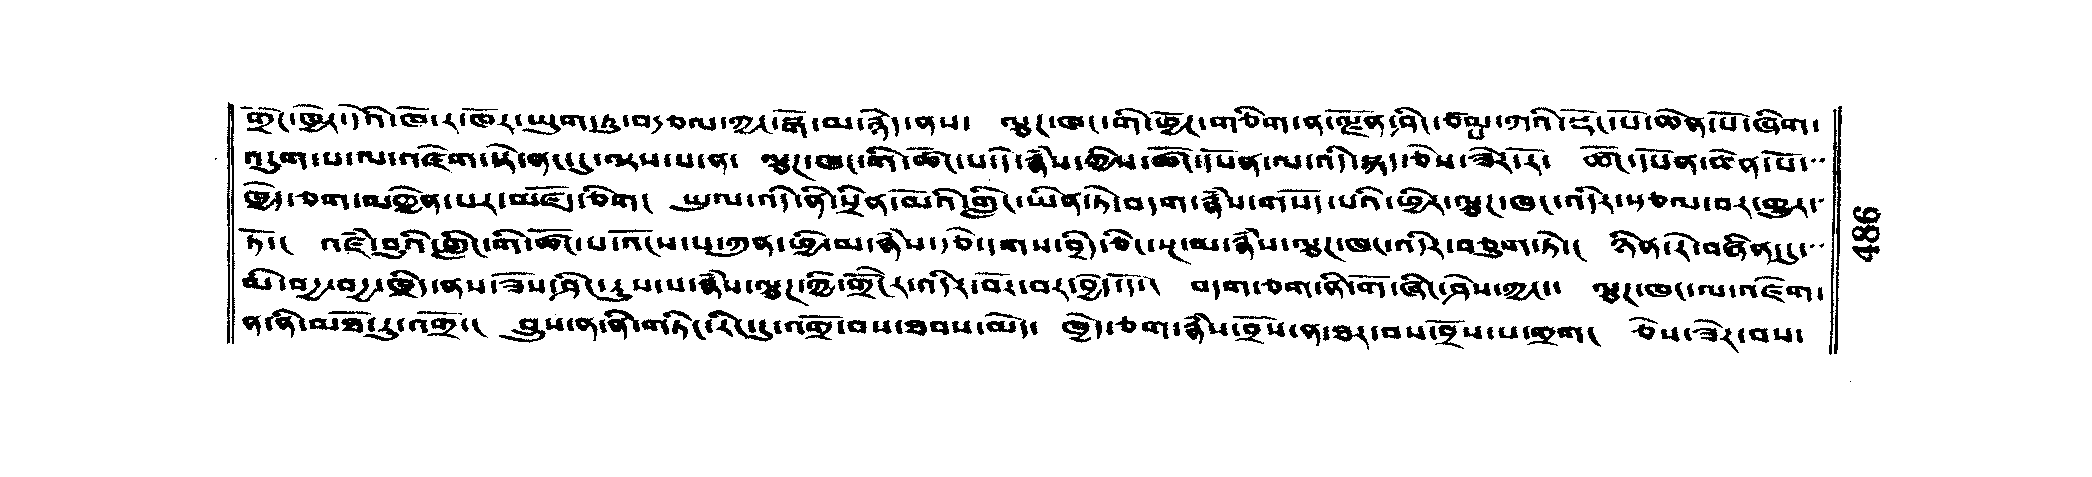གྲོང་ཁྱེར་དེའི་ཁོ་ར་ཁོར་ཡུག་ཏུ་བཙལ་ཀྱང་སྒོ་མ་རྙེད་ནས། ལྕགས་ཁང་གི་ཕྱོགས་གཅིག་ན་ལྗོན་ཤིང་ཙམ་པ་ཀའི་སྡོང་པོ་ཆེན་པོ་ཞིག་
འདུག་པ་ལ་འཛེགས་སྟེ་ནང་དུ་བལྟས་པ་ན། ལྕགས་ཁང་ནང་གི་ཚོང་པ་དེ་རྣམས་ཀྱིས་ཚོང་དཔོན་ལ་འདི་སྐད་ཅེས་ཟེར་རོ།ཚོང་དཔོན་ཆེན་པོ་
ཁྱེད་ཅག་མཁྱེན་པར་མཛོད་ཅིག ཡུལ་འདི་ནི་སྲིན་མོའི་གླིང་ཡིན་ཏེ་བདག་ཅག་རྣམས་གསོད་པའི་ཕྱིར་ལྕགས་ཁང་འདིར་སྩལ་བར་གྱུར་
ཏོ། འཛམ་བུའི་གླིང་གི་ཚོང་པ་འོངས་པ་ཀུན་ཕྱི་མ་རྣམས་རྩེ་དགས་བྲིད་ཅིང་སྔ་མ་རྣམས་ལྕགས་ཁང་འདིར་བཅུག་ཏེ། ཉེན་རེ་བཞིན་དུ་
མི་བརྒྱ་བརྒྱ་ཁྲིད་ནས་ཟོས་ཤིང་རུས་པ་རྣམས་ལྕགས་ཀྱི་གྲོང་འཁྱེར་འདིར་བོར་བར་བྱེད་དོ། བདག་ཅག་ནི་གོ་ཞིང་ཤེས་ཀྱང་། ལྕགས་ཁང་ལ་འཛེག་
ན་ནི་མཐོ་རུ་འགྲོ། བྲུས་ན་ནི་གཏིང་རིང་དུ་འགྲོ་བས་ཐབས་མེད། ཁྱེད་ཅག་རྣམས་བྲོས་ན་ཐར་བས་བྲོས་པ་དྲག ཅེས་ཟེར་བས་